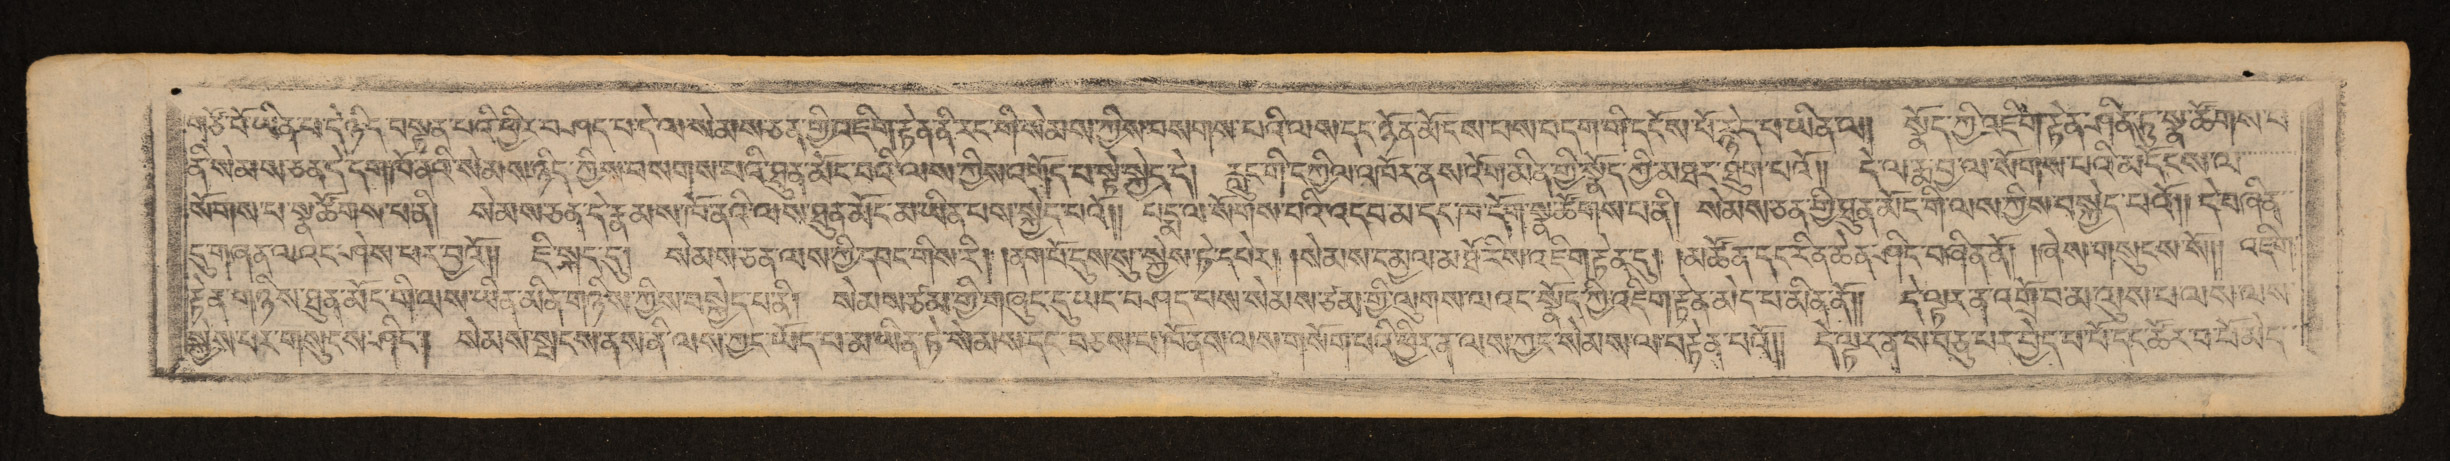གཙོ་བོ་ཡིན་པ་དེ་ཉིད་བསྟན་པའི་ཕྱིར་བཤད་པ་དེ་ལ་སེམས་ཅན་གྱི་འཇིག་རྟེན་ནི་རང་གི་སེམས་ཀྱིས་བསགས་པའི་ལས་དང་ཉོན་མོངས་པས་བདག་གི་དངོས་པོ་རྙེད་པ་ཡིན་ལ། སྣོད་ཀྱི་འཇིག་རྟེན་ཤིན་ཏུ་སྣ་ཚོགས་པ་
ནི་སེམས་ཅན་དེ་དག་ཁོ་ནའི་སེམས་ཉིད་ཀྱིས་བསགས་པའི་ཐུན་མོང་བའི་ལས་ཀྱིས་འགོད་པ་སྟེ་སྐྱེད་དེ། རླུང་གི་དཀྱིལ་འཁོར་ནས་འོག་མིན་གྱི་སྣོད་ཀྱི་མཐར་ཐུག་པའོ།། དེ་ལ་རྨ་བྱ་ལ་སོགས་པའི་མདོངས་ལ་
སོགས་པ་སྣ་ཚོགས་པ་ནི། སེམས་ཅན་དེ་རྣམས་ཁོ་ནའི་ལས་ཐུན་མོང་མ་ཡིན་པས་སྐྱེད་པའོ།། པདྨ་ལ་སོགས་པའི་འདབ་མ་དང་ཁ་དོག་སྣ་ཚོགས་པ་ནི། སེམས་ཅན་གྱི་ཐུན་མོང་གི་ལས་ཀྱིས་བསྐྱེད་པའོ།། དེ་བཞིན་
དུ་གཞན་ལའང་ཤེས་པར་བྱའོ།། ཇི་སྐད་དུ། སེམས་ཅན་ལས་ཀྱི་དབང་གིས་རི། །ནག་པོའི་དུས་སུ་སྐྱེས་ཏེ་དཔེར། །སེམས་དམྱལ་མཐོ་རིས་འཇིག་རྟེན་དུ། །མཚོན་དང་རིན་ཆེན་ཤིང་བཞིན་ནོ། །ཞེས་གསུངས་སོ།། འཇིག་
རྟེན་གཉིས་ཐུན་མོང་གི་ལས་ཡིན་མིན་གཉིས་ཀྱིས་བསྐྱེད་པ་ནི། སེམས་ཙམ་གྱི་གཞུང་དུ་ཡང་བཤད་པས་སེམས་ཙམ་གྱི་ལུགས་ལའང་སྣོད་ཀྱི་འཇིག་རྟེན་མེད་པ་མིན་ནོ།། དེ་ལྟར་ན་འགྲོ་བ་མ་ལུས་པ་ལས་ལས་
སྐྱེས་པར་གསུངས་ཤིང་། སེམས་སྤངས་ནས་ནི་ལས་ཀྱང་ཡོད་པ་མ་ཡིན་ཏེ་སེམས་དང་བཅས་པ་ཁོ་ནས་ལས་གསོག་པའི་ཕྱིར་ན་ལས་ཀྱང་སེམས་ལ་བརྟེན་པའོ།། དེ་ལྟར་ན་ས་བཅུ་པར་བྱེད་པ་པོ་དང་ཚོར་བ་པོ་མེད་